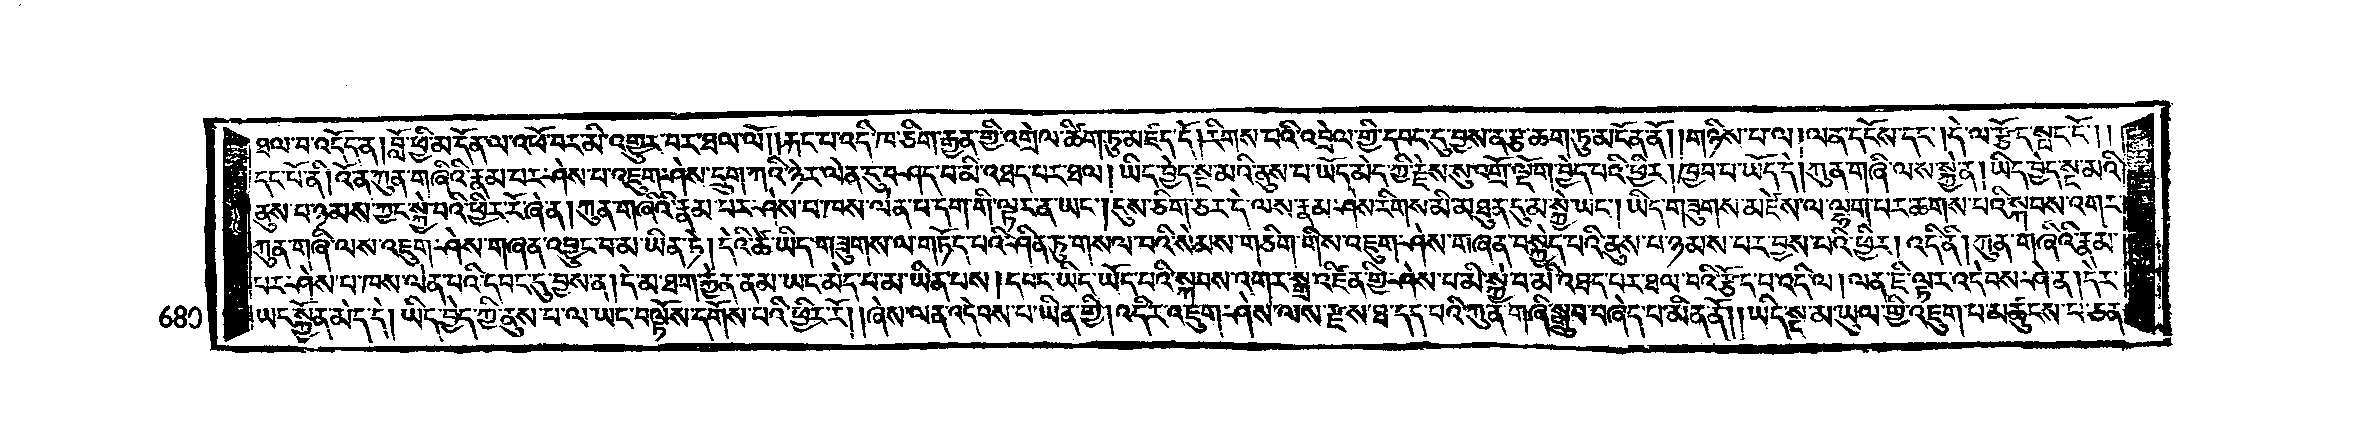ཐལ་བ་འདོད་ན། བློ་ཕྱི་མ་དོན་ལ་འཕོ་བར་མི་འགྱུར་བར་ཐལ་ལོ། །རྐང་པ་འདི་ཁ་ཅིག་རྒྱན་གྱི་འགྲེལ་ཚིག་ཏུ་མཛད་དོ། རིགས་པའི་འབྲེལ་གྱི་དབང་དུ་བྱས་ན་རྩ་ཆག་ཏུ་མངོན་ནོ། །གཉིས་པ་ལ། ལན་དངོས་དང་། དེ་ལ་རྩོད་སྤང་ངོ།
དང་པོ་ནི། འོ་ན་ཀུན་གཞིའི་རྣམ་པར་ཤེས་པ་འཇུག་ཤེས་དྲུག་ཀའི་ཉེར་ལེན་དུ་བཤད་པ་མི་འཐད་པར་ཐལ། ཡིད་བྱེད་སྔ་མའི་ནུས་པ་ཡོད་མེད་ཀྱི་རྗེས་སུ་འགྲོ་ལྡོག་བྱེད་པའི་ཕྱིར། ཁྱབ་པ་ཡོད་དེ། ཀུན་གཞི་ལས་སྐྱེ་ན། ཡིད་བྱེད་སྔ་མའི་
ནུས་པ་ཉམས་ཀྱང་སྐྱེ་བའི་ཕྱིར་རོ་ཞེ་ན། ཀུན་གཞིའི་རྣམ་པར་ཤེས་པ་ཁས་ལེན་པ་དག་གི་ལྟར་ན་ཡང་། དུས་ཅིག་ཅར་དེ་ལས་རྣམ་ཤེས་རིགས་མི་མཐུན་དུ་མ་སྐྱེ་ཡང་། ཡིད་གཟུགས་མཛེས་ལ་ལྷག་པར་ཆགས་པའི་སྐབས་འགར་
ཀུན་གཞི་ལས་འཇུག་ཤེས་གཞན་འབྱུང་བ་མ་ཡིན་ཏེ། དེའི་ཚེ་ཡིད་གཟུགས་ལ་གཏོད་པའི་ཤིན་ཏུ་གསལ་བའི་སེམས་གཅིག་གིས་འཇུག་ཤེས་གཞན་བསྐྱེད་པའི་ནུས་པ་ཉམས་པར་བྱས་པའི་ཕྱིར། འདི་ནི། ཀུན་གཞིའི་རྣམ་
པར་ཤེས་པ་ཁས་ལེན་པའི་དབང་དུ་བྱས་ན། དེ་མ་ཐག་རྐྱེན་ནམ་ཡང་མེད་པ་མ་ཡིན་པས། དབང་ཡིད་ཡོད་པའི་སྐབས་འགར་སྒྲ་འཛིན་གྱི་ཤེས་པ་མི་སྐྱེ་བ་མི་འཐད་པར་ཐལ་བའི་རྩོད་པ་འདི་ལ། ལན་ཇི་ལྟར་འདེབས་ཤེ་ན། དེར་
ཡང་སྐྱོན་མེད་དེ། ཡིད་བྱེད་ཀྱི་ནུས་པ་ལ་ཡང་བལྟོས་དགོས་པའི་ཕྱིར་རོ། །ཞེས་ལན་འདེབས་པ་ཡིན་གྱི། འདིར་འཇུག་ཤེས་ལས་རྫས་ཐ་དད་པའི་ཀུན་གཞི་སྒྲུབ་བཞེད་པ་མིན་ནོ། །ཡིད་སྔ་མ་ཡུལ་གྱི་འཇུག་པ་མཚུངས་པ་ཅན་